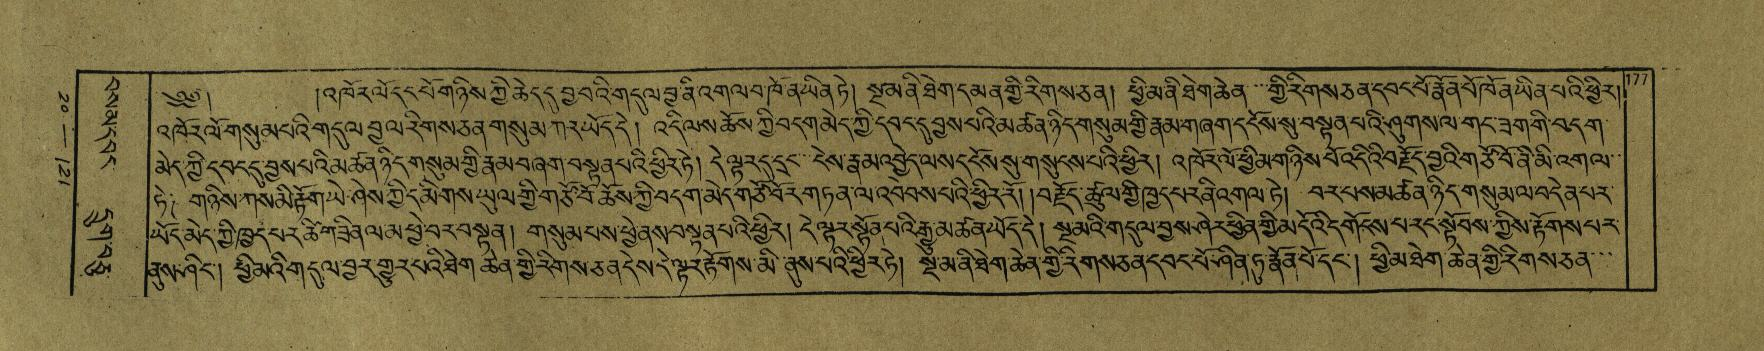༄༅། །འཁོར་ལོ་དང་པོ་གཉིས་ཀྱི་ཆེད་དུ་བྱ་བའི་གདུལ་བྱ་ནི་འགལ་བ་ཁོ་ན་ཡིན་ཏེ། སྔ་མ་ནི་ཐེག་དམན་གྱི་རིགས་ཅན། ཕྱི་མ་ནི་ཐེག་ཆེན་གྱི་རིགས་ཅན་དབང་པོ་རྣོན་པོ་ཁོ་ན་ཡིན་པའི་ཕྱིར།
འཁོར་ལོ་གསུམ་པའི་གདུལ་བྱ་ལ་རིགས་ཅན་གསུམ་ཀར་ཡོད་དེ། འདི་ལས་ཆོས་ཀྱི་བདག་མེད་ཀྱི་དབང་དུ་བྱས་པའི་མཚན་ཉིད་གསུམ་གྱི་རྣམ་གཞག་དངོས་སུ་བསྟན་པའི་ཤུགས་ལ་གང་ཟག་གི་བདག་
མེད་ཀྱི་དབང་དུ་བྱས་པའི་མཚན་ཉིད་གསུམ་གྱི་རྣམ་བཞག་བསྟན་པའི་ཕྱིར་ཏེ། དེ་ལྟར་དུ་དྲང་ངེས་རྣམ་འབྱེད་ལས་དངོས་སུ་གསུངས་པའི་ཕྱིར། འཁོར་ལོ་ཕྱི་མ་གཉིས་པོ་འདིའི་བརྗོད་བྱའི་གཙོ་བོ་ནི་མི་འགལ་
ཏེ༑ གཉིས་ཀས་མི་རྟོག་ཡེ་ཤེས་ཀྱི་དམིགས་ཡུལ་གྱི་གཙོ་བོ་ཆོས་ཀྱི་བདག་མེད་གཙོ་བོར་གཏན་ལ་འབེབས་པའི་ཕྱིར་རོ། །བརྗོད་ཚུལ་གྱི་ཁྱད་པར་ནི་འགལ་ཏེ། བར་པས་མཚན་ཉིད་གསུམ་ལ་བདེན་པར་
ཡོད་མེད་ཀྱི་ཁྱད་པར་ཚིག་ཟིན་ལ་མ་ཕྱེ་བར་བསྟན། གསུམ་པས་ཕྱེ་ནས་བསྟན་པའི་ཕྱིར། དེ་ལྟར་སྟོན་པའི་རྒྱུ་མཚན་ཡོད་དེ། སྔ་མའི་གདུལ་བྱས་ཤེར་ཕྱིན་གྱི་མདོའི་དགོངས་པ་རང་སྟོབས་ཀྱིས་རྟོགས་པར་
ནུས་ཤིང་། ཕྱི་མའི་གདུལ་བྱར་གྱུར་པའི་ཐེག་ཆེན་གྱི་རིགས་ཅན་དེས་དེ་ལྟར་རྟོགས་མི་ནུས་པའི་ཕྱིར་ཏེ། སྔ་མ་ནི་ཐེག་ཆེན་གྱི་རིགས་ཅན་དབང་པོ་ཤིན་ཏུ་རྣོན་པོ་དང་། ཕྱི་མ་ཐེག་ཆེན་གྱི་རིགས་ཅན་